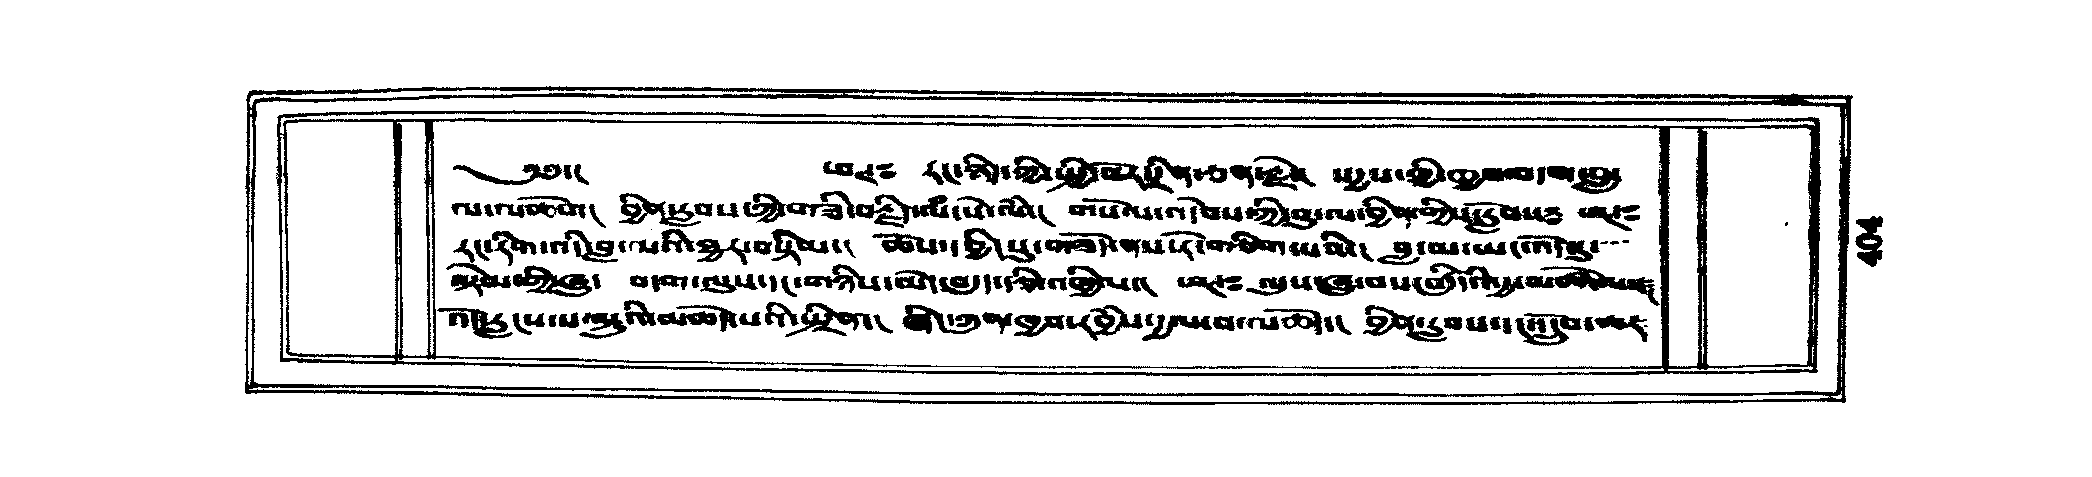ཕཊཿ རང་ཉིད་ཀྱི་སྤྱི་བོར་དྲིན་ཅན་རྗེ། །སངས་རྒྱས་ཀྱི་ཁྱབ་བདག་བླ་
མ་མཆོག་།བྱིན་རླབས་ཀྱི་བདུད་རྩི་ལམ་སེ་ལམ། །གསོལ་འདེབས་ཀྱི་བུ་ལ་བྱིན་གྱིས་རློབསཿ ཕཊཿ 
རང་རིག་འདི་བླ་མའི་ཐུགས་ཀར་བསྟིམ། །ཆོས་དབྱིངས་སུ་གཟོད་ནས་རོ་གཅིག་པའི། །བླ་མ་ཡང་འོད་དུ་
ལྟེམ་གྱི་ཞུ། །བདག་ལུས་དང་གཉིས་མེད་བདུད་རྩི་འཁྱིལ། །ཕཊཿ ལུས་ཞུ་བས་བདུད་རྩི་རྒྱ་མཚོ་ལས། །
འོད་རླངས་པ་ལྟ་བུའི་མཆོད་པའི་སྤྲིན། །ཞིང་ཀུན་ཁྱབ་རབ་འབྱམས་རྒྱལ་བ་མཆོད། །བྱིན་རླབས་དང་དངོས་གྲུབ་ཆར་